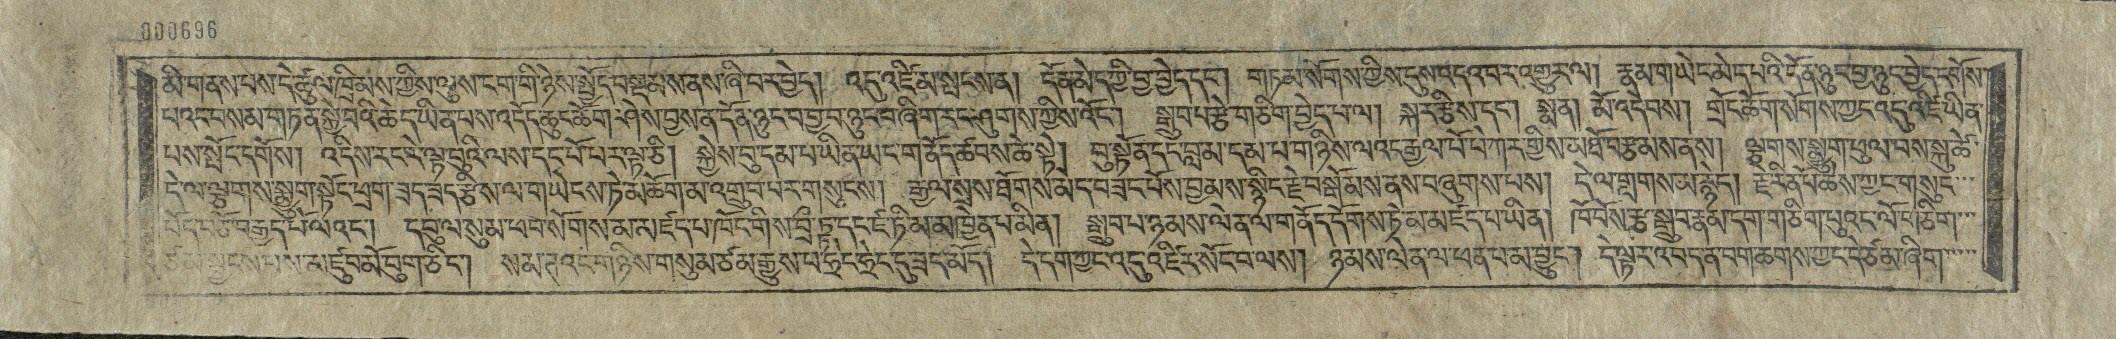མི་གནས་པས་དེ་ཚུལ་ཁྲིམས་ཀྱིས་ལུས་ངག་གི་ཉེས་སྤྱོད་བསྡམས་ནས་ཞི་བར་བྱེད། འདུ་འཛི་མ་སྤངས་ན། དོན་མེད་ཀྱི་བྱ་བྱེད་དང་། གཏམ་སོགས་ཀྱིས་དུས་འདའ་བར་འགྱུར་ལ། རྣམ་གཡེང་མེད་པའི་དོན་ཉུང་བྱ་ཉུང་བྱེད་དགོས་
པའང་བསམ་གཏན་སྐྱེ་བའི་ཆེད་ཡིན་པས་འདོད་ཆུང་ཆོག་ཤེས་བྱས་ན་དོན་ཉུང་བ་བྱ་བ་ཉུང་བ་ཞིག་རང་ཤུགས་ཀྱིས་འོང་། སྒྲུབ་པ་རྩེ་གཅིག་བྱེད་པ་ལ། སྐར་རྩིས་དང་། སྨན། མོ་འདེབས། གྲོང་ཆོག་སོགས་ཀྱང་འདུ་འཛི་ཡིན་
པས་སྤོང་དགོས། འདིས་རང་རེ་ལྟ་བུའི་ལས་དང་པོ་པར་ལྟ་ཅི། སྐྱེས་བུ་དམ་པ་ཡིན་ཡང་གནོད་ཚབས་ཆེ་སྟེ། བུ་སྟོན་དང་བླ་མ་དམ་པ་གཉིས་ལའང་རྒྱལ་པོ་པེ་ཀར་གྱིས་མཐོ་བརྩམས་ནས། ལྕགས་སྨྱུག་ཕུལ་བས་སྐུ་ཚེ་
དེ་ལ་ལྕགས་སྨྱུག་སྟོང་ཕྲག་ཟད་ཟད་རྩིས་ལ་གཡེངས་ཏེ་མཆོག་མ་འགྲུབ་པར་གསུངས། རྒྱལ་སྲས་ཐོགས་མེད་བཟང་པོས་བྱམས་སྙིང་རྗེ་བསྒོམས་ནས་བཞུགས་པས། དེ་ལ་གླགས་མ་རྙེད། རྗེ་རིན་པོ་ཆེས་ཀྱང་གསུང་
པོད་བཅོ་བརྒྱད་པོ་ལའང་། དབུ་ལ་སུམ་ཕབ་སོགས་མ་མཛད་པ་ཁོང་གིས་བྲྀ་ཏྟ་དང་ཛ་ཏི་མ་མཁྱེན་པ་མིན། སྒྲུབ་པ་ཉམས་ལེན་ལ་གནོད་དོགས་ཏེ་མ་མཛད་པ་ཡིན། ཁོ་བོས་རྩ་སྒྲུབ་རྣམ་དག་གཅིག་པུའང་ལོ་གཅིག་
ཙམ་སྦྱངས་པས་མཛུབ་མོ་བུག་ཅིང་། སམ་ཊའང་གཉིས་གསུམ་ཙམ་རྒྱུས་པ་ཧྲེང་ཧྲེང་དུ་ཟད་མོད། དེ་དག་ཀྱང་འདུ་འཛིར་སོང་བ་ལས། ཉམས་ལེན་ལ་ཕན་པ་མ་བྱུང་། དེ་ལྟར་འབད་ན་བག་ཆགས་ཀྱང་དེ་ཙམ་ཞིག་